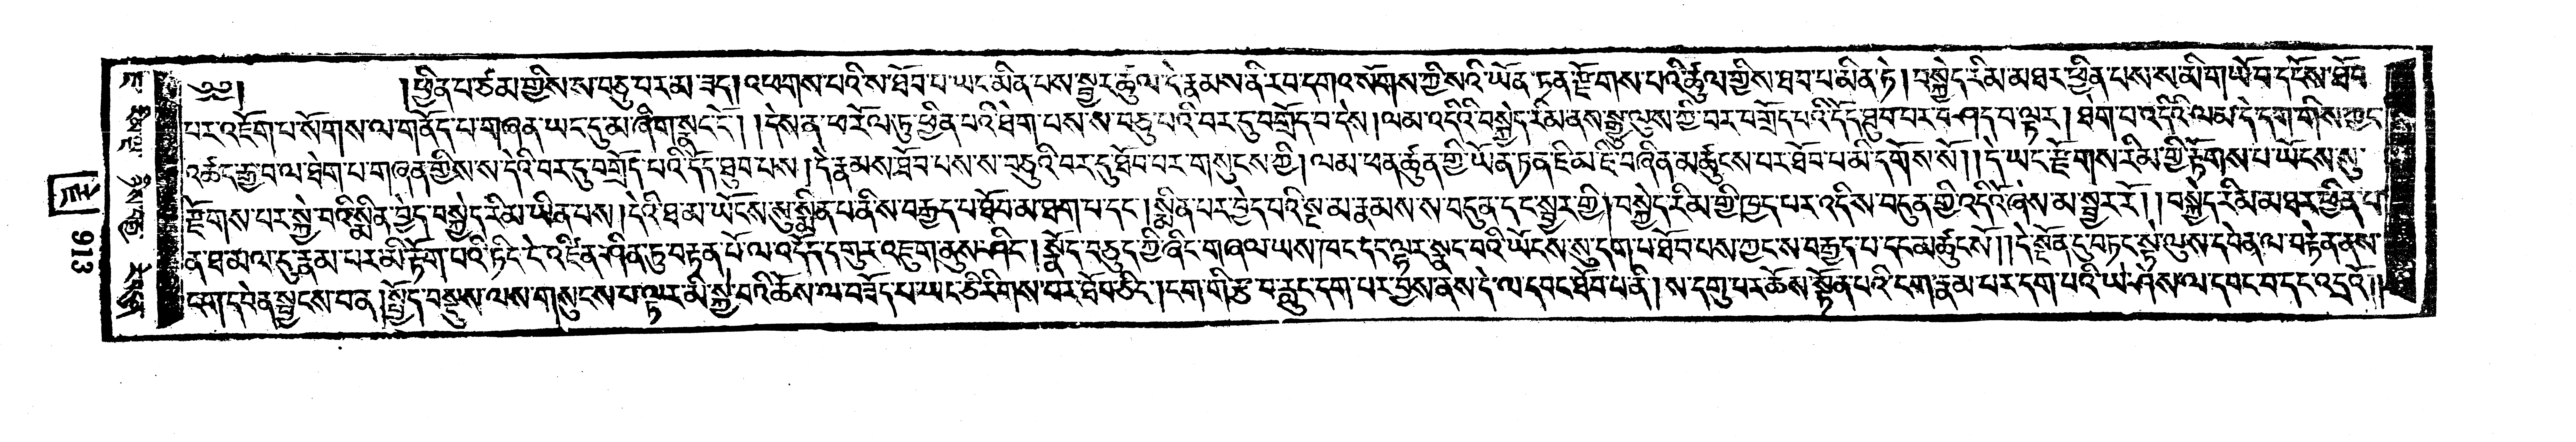༄༅། །ཕྱིན་པ་ཙམ་གྱིས་ས་བཅུ་པར་མ་ཟད། འཕགས་པའི་ས་ཐོབ་པ་ཡང་མིན་པས་སྦྱར་ཚུལ་དེ་རྣམས་ནི་རབ་དགའ་སོགས་ཀྱི་སའི་ཡོན་ཏན་རྫོགས་པའི་ཚུལ་གྱིས་ཐོབ་པ་མིན་ཏེ། བསྐྱེད་རིམ་མཐར་ཕྱིན་པས་ས་མི་གཡོ་བ་དངོས་ཐོབ་
པར་འཇོག་པ་སོགས་ལ་གནོད་པ་གཞན་ཡང་དུ་མ་ཞིག་སྣང་ངོ། །དེས་ན་ཕ་རོལ་ཏུ་ཕྱིན་པའི་ཐེག་པས་ས་བཅུ་པའི་བར་དུ་བགྲོད་པ་དེས། ལམ་འདིའི་བསྐྱེད་རིམ་ནས་སྒྱུ་ལུས་ཀྱི་བར་བགྲོད་པའི་དད་ཐུབ་པར་བཤད་པ་ལྟར། ཐེག་པ་འདིའི་ལམ་དེ་དག་གིས་ཀྱང་
འཚང་རྒྱ་བ་ལ་ཐེག་པ་གཞན་གྱིས་ས་དེའི་བར་དུ་བགྲོད་པའི་དོད་ཐུབ་པས། དེ་རྣམས་ཐོབ་པས་ས་བཅུའི་བར་དུ་ཐོབ་པར་གསུངས་ཀྱི། ལམ་ཕན་ཚུན་གྱི་ཡོན་ཏན་ཇི་མ་ཇི་བཞིན་མཚུངས་པར་ཐོབ་པ་མི་དགོས་སོ། །དེ་ཡང་རྫོགས་རིམ་གྱི་རྟོགས་པ་ཡོངས་སུ་
རྫོགས་པར་སྐྱེ་བའི་སྨིན་བྱེད་བསྐྱེད་རིམ་ཡིན་པས། དེའི་ཐ་མ་ཡོངས་སུ་སྨིན་པ་ནི་ས་བརྒྱད་པ་ཐོབ་མ་ཐག་པ་དང་། སྨིན་པར་བྱེད་པའི་སྔ་མ་རྣམས་ས་བདུན་དང་སྦྱར་གྱི། བསྐྱེད་རིམ་གྱི་ཁྱད་པར་འདི་ས་བདུན་གྱི་འདིའོ་ཞེས་མ་སྦྱར་རོ། །བསྐྱེད་རིམ་མཐར་ཕྱིན་པ་
ན་ཐ་མལ་དུ་རྣམ་པར་མི་རྟོག་པའི་ཏིང་ངེ་འཛིན་ཤིན་ཏུ་བརྟན་པོ་ལ་འདོད་དགུར་འཇུག་ནུས་ཤིང་། སྣོད་བཅུད་ཀྱི་ཞིང་གཞལ་ཡས་ཁང་དང་ལྷར་སྣང་བའི་ཡོངས་སུ་དག་པ་ཐོབ་པས་ཀྱང་ས་བརྒྱད་པ་དང་མཚུངས་སོ། །དེ་སྔོན་དུ་བཏང་སྟེ་ལུས་དབེན་ལ་བརྟེན་ནས་
ངག་དབེན་སྦྱངས་པ་ན། སྤྱོད་བསྡུས་ལས་གསུངས་པ་ལྟར་མི་སྐྱེ་བའི་ཆོས་ལ་བཟོད་པ་ཡང་ཅི་རིགས་པར་ཐོབ་ཅིང་། ངག་གི་རྩ་བ་རླུང་དག་པར་བྱས་ནས་དེ་ལ་དབང་ཐོབ་པ་ནི། ས་དགུ་པར་ཆོས་སྟོན་པའི་ངག་རྣམ་པར་དག་པའི་ཡེ་ཤེས་ལ་དབང་བ་དང་འདྲའོ། །